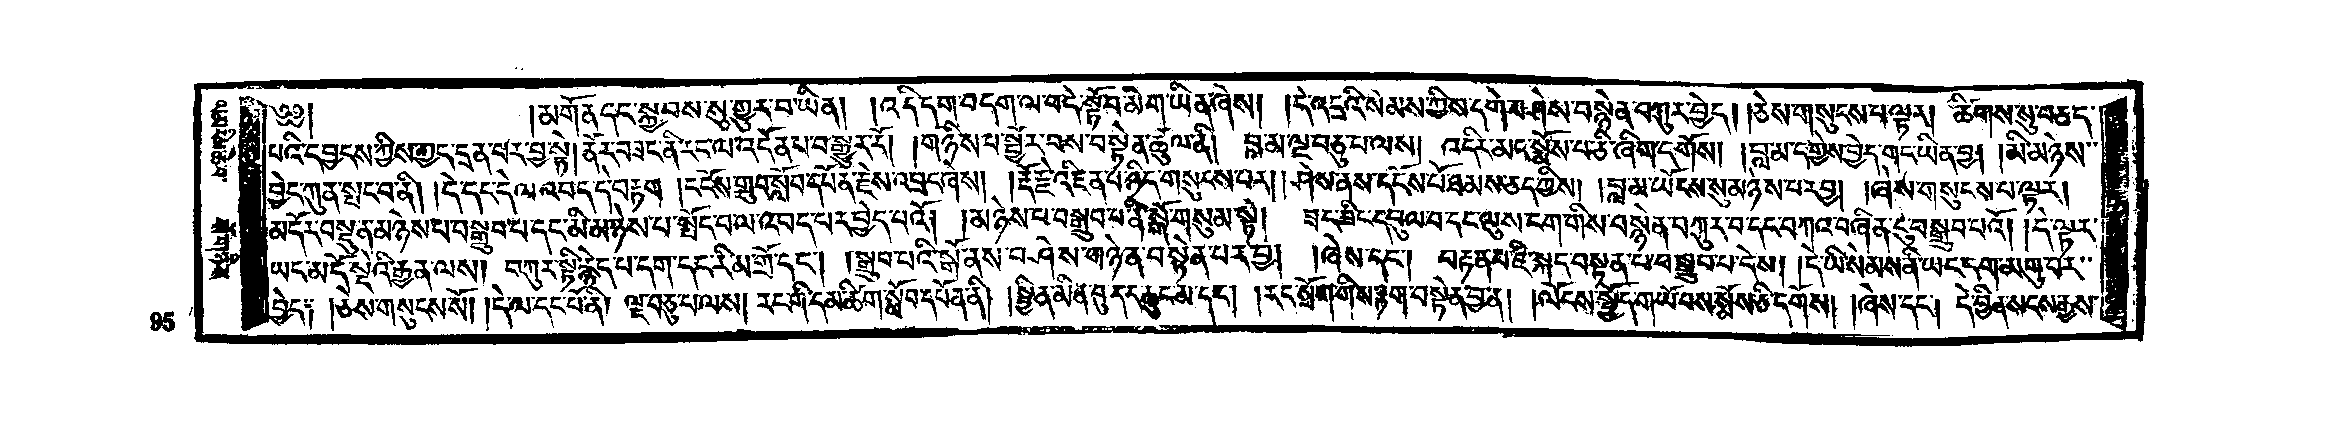༄༅། །མགོན་དང་སྐྱབས་སུ་གྱུར་པ་ཡིན། །འདི་དག་བདག་ལ་བདེ་སྟོབ་མིག་ཡིན་ཞེས། །དེ་འདྲའི་སེམས་ཀྱིས་དགེ་བཤེས་བསྙེན་བཀུར་བྱེད། །ཅེས་གསུངས་པ་ལྟར། ཚིགས་སུ་བཅད་
པའི་དབྱངས་ཀྱིས་ཀྱང་དྲན་པར་བྱ་སྟེ། ནོར་བཟང་ནི་རང་ལ་འདོན་པ་བསྒྱུར་རོ། །གཉིས་པ་སྦྱོར་བས་བསྟེན་ཚུལ་ནི། བླ་མ་ལྔ་བཅུ་པ་ལས། འདིར་མང་སྨོས་པ་ཅི་ཞིག་དགོས། །བླ་མ་དགྱེས་བྱེད་གང་ཡིན་བྱ། །མི་མཉེས་
བྱེད་ཀུན་སྤང་བ་ནི། །དེ་དང་དེ་ལ་འབད་དེ་བརྟག །དངོས་གྲུབ་སློབ་དཔོན་རྗེས་འབྲང་ཞེས། །རྡོ་རྗེ་འཛིན་པ་ཉིད་གསུངས་པར། །ཤེས་ནས་དངོས་པོ་ཐམས་ཅད་ཀྱིས། །བླ་མ་ཡོངས་སུ་མཉེས་པར་བྱ། །ཞེས་གསུངས་པ་ལྟར།
མདོར་བསྡུ་ན་མཉེས་པ་བསྒྲུབ་པ་དང་མི་མཉེས་པ་སྤོང་བ་ལ་འབད་པར་བྱེད་བའོ། ?་།མཉེས་བ་བསྒྲུབ་པ་ནི་སྒོ་གསུམ་སྟེ། ཟང་ཟིང་དབུལ་བ་དང་ལུས་ངག་གིས་བསྙེན་བཀུར་བ་དང་བཀའ་བཞིན་དུ་བསྒྲུབ་པའོ། །དེ་ལྟར་
ཡང་མདོ་སྡེའི་རྒྱན་ལས། བཀུར་སྟི་རྙེད་བ་དག་དང་རིམ་གྲོ་དང་། །སྒྲུབ་པའི་སྒོ་ནས་བཤེས་གཉེན་བསྟེན་པར་བྱ། །ཞེས་དང་། བརྟན་པ་ཇི་སྐད་བསྟན་པ་བསྒྲུབ་པ་དེས། །དེ་ཡི་སེམས་ནི་ཡང་དག་མགུ་བར་
བྱེད༑ ༑ཅེས་གསུངས་སོ། །དེ་ལ་དང་པོ་ནི། ལྔ་བཅུ་པ་ལས། རང་གི་དམ་ཚིག་སློབ་དཔོན་ནི། །སྦྱིན་མིན་བུ་དང་ཆུང་མ་དང་། །རང་སྲོག་གིས་རྟག་བསྟེན་བྱ་ན། །ལོངས་སྤྱོད་གཡོ་བས་སྨོས་ཅི་དགོས། །ཞེས་དང་། དེ་བྱིན་སངས་རྒྱས་